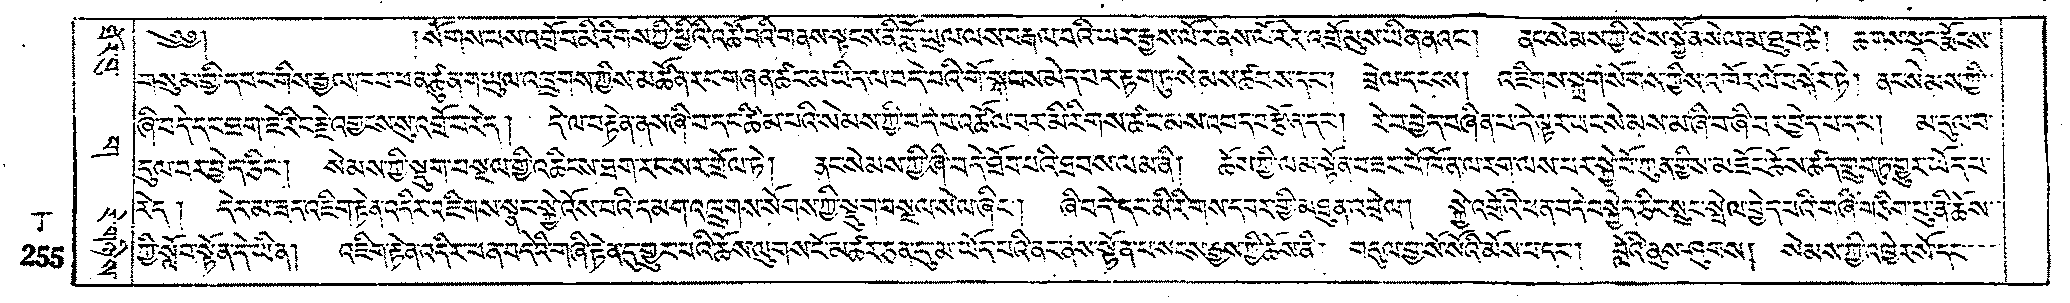༄༅། །སོགས་པས་འགྲོ་བ་མི་རིགས་ཀྱི་ཕྱིའི་འཚོ་བའི་གནས་སྟངས་ནི་བློ་ཡུལ་ལས་བརྒལ་བའི་ཡར་རྒྱས་ལོ་རེ་ནས་ལོ་རེར་འགྲོ་མུས་ཡིན་ནའང་། ནང་སེམས་ཀྱི་ཉེས་སྐྱོན་སེལ་མ་ཐུབ་ཚེ། ཆགས་སྡང་རྨོངས་
གསུམ་གྱི་དབང་གིས་རྒྱལ་ཁབ་ཕན་ཚུན་གཡུལ་འཁྲུགས་ཀྱིས་མཚོན་རང་གཞན་ཚང་མ་ཡིད་ལ་བདེ་བའི་གོ་སྐབས་མེད་པར་རྟག་ཏུ་སེམས་ཚབས་དང་། བྲེལ་དང་ངས། འཇིགས་སྐྲག་སོགས་ཀྱིས་འཁོར་ལོ་བསྐོར་ཏེ། ནང་སེམས་ཀྱི་་་
ཞི་བདེ་དང་ཐག་ཇེ་རིང་རྗེ་འགྱངས་སུ་འགྲོ་བ་རེད། དེ་ལ་བརྟེན་ནས་ཞི་བ་དང་ཚིམ་པའི་སེམས་ཀྱི་བདེ་བ་འཚོལ་བར་མི་རིགས་ཚང་མས་འབད་བརྩོན་དང་། རེ་བ་བྱེད་བཞིན་པ་དེ་ལྟར་ཡང་སེམས་མ་ཞི་བ་ཞི་བར་བྱེད་པ་དང་། མ་དུལ་བ་
དུལ་བར་བྱེད་ཅིང་། སེམས་ཀྱི་སྡུག་བསྔལ་གྱི་འཆིངས་ཐག་རང་སར་གྲོལ་ཏེ། ནང་སེམས་ཀྱི་ཞི་བདེ་ཐོབ་པའི་ཐབས་ལམ་ནི། ཆོས་ཀྱི་ལམ་སྟོན་བཟང་པོ་ཁོ་ན་ལ་རག་ལས་པར་སྐྱེ་བོ་ཀུན་གྱིས་མཐོང་ཆོས་ཚད་གྲུབ་ཏུ་གྱུར་ཡོད་པ་
རེད། དེར་མ་ཟད་འཇིག་རྟེན་འདིར་འཇིགས་སྣང་སྐྱེ་འོས་པའི་དམག་འཁྲུགས་སོགས་ཀྱི་སྡུག་བསྔལ་སེལ་ཞིང་། ཞི་བདེ་དང་མི་རིགས་དབར་གྱི་མཐུན་འབྲེལ། སྐྱེ་འགྲོའི་ཕན་བདེ་བསྐྱེད་ཅིང་སྲུང་སྤེལ་བྱེད་པའི་གཞི་གཅིག་པུ་ནི་ཆོས་་་
ཀྱི་སློབ་སྟོན་དེ་ཡིན། འཇིག་རྟེན་འདིར་ཕན་བདེའི་གཞི་རྟེན་དུ་གྱུར་པའི་ཆོས་ལུགས་ངོ་མཚར་ཅན་དུ་མ་ཡོད་པའི་ནང་ནས་སྟོན་པ་སངས་རྒྱས་ཀྱི་ཆོས་ནི། གདུལ་བྱ་སོ་སོའི་མོས་པ་དང་། བློའི་ནུས་ཤུགས། སེམས་ཀྱི་འཁྱེར་སོ་དང་་་